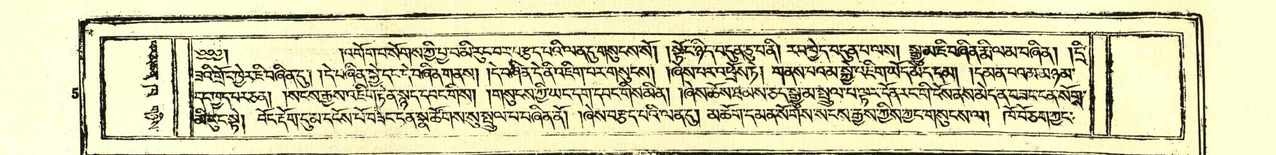༄༅༅། །འགོག་པ་སོགས་ཀྱི་བྱ་བ་མི་རུང་བར་བརྩད་པའི་ལན་དུ་གསུངས་སོ། །སྟོང་ཉིད་བདུན་ཅུ་པ་ནི། རབ་བྱེད་བདུན་པ་ལས། སྒྱུ་མ་ཇི་བཞིན་རྨི་ལམ་བཞིན། །དྲི་
ཟའི་གྲོང་ཁྱེར་ཇི་བཞིན་དུ། །དེ་བཞིན་སྐྱེ་དང་དེ་བཞིན་གནས། །དེ་བཞིན་དེ་ནི་འཇིག་པར་གསུངས། །ཞེས་པར་འཕྲོས་ཏེ། གནས་པའམ་སྐྱེ་འཇིག་ཡོད་མེད་དམ། །དམན་པའམ་མཉམ་
དང་ཁྱད་པར་ཅན། །སངས་རྒྱས་འཇིག་རྟེན་སྙད་དབང་གིས། །གསུངས་ཀྱི་ཡང་དག་དབང་གིས་མིན། །ཞེས་ཆོས་ཐམས་ཅད་སྒྱུ་མ་སྤྲུལ་པ་ལྟར་དོན་རང་གི་ངོས་ནས་མེད་ན་བཟང་ངན་སོགས་
མི་རུང་སྟེ། བོང་རྡོག་དུ་མ་དངོས་པོ་བཟང་ངན་སྣ་ཚོགས་སུ་སྤྲུལ་པ་བཞིན་ནོ། །ཞེས་བརྩད་པའི་ལན་དུ། མཆོག་དམན་སོགས་སངས་རྒྱས་ཀྱིས་ཀྱང་གསུངས་ལ། ཁོ་བོ་ཅག་ཀྱང་